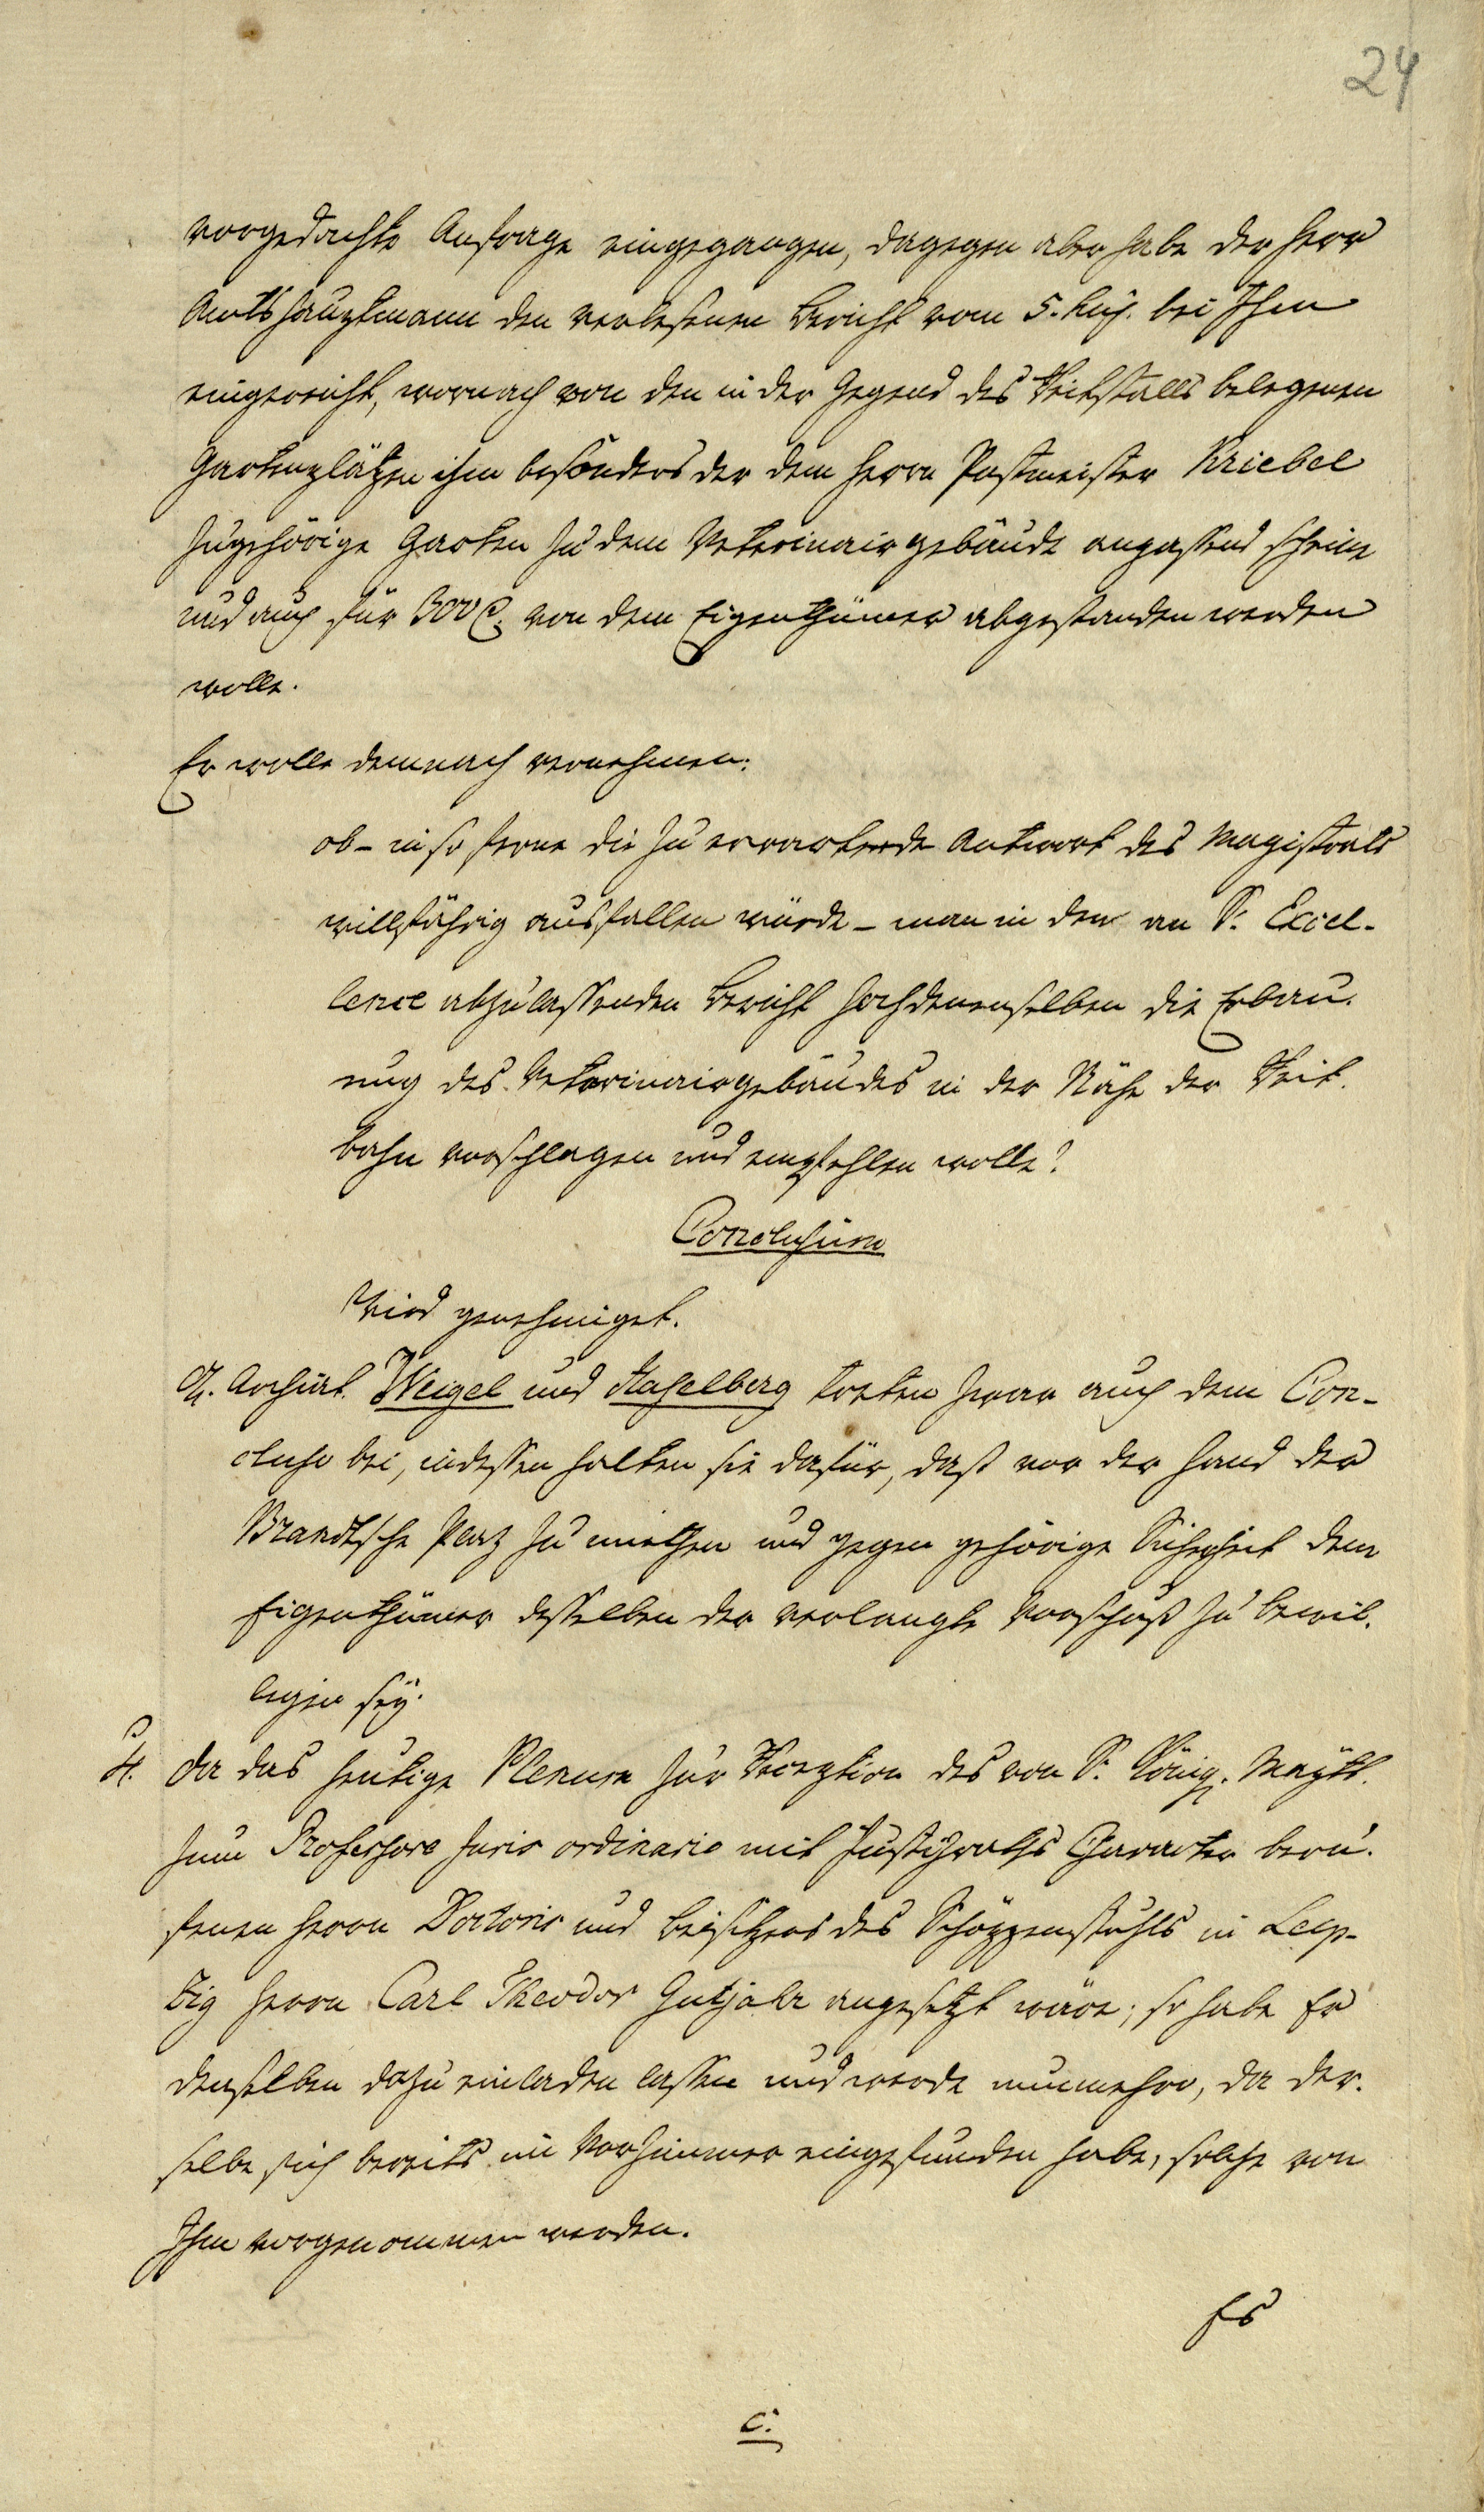vorgedachte Anfrage eingegangen, dagegen aber habe der Herr
Amtshauptmann den verlesenen Bericht vom 5. huj. bei Ihm
eingereicht, wornach von den in der Gegend des Reitstalls belegenen
Gartenplätzen ihm besonders der dem Herrn Postmeister Kriebel
zugehörige Garten zu dem Veterinair Gebäude anpassend scheine
und auch für 300 l. von dem Eigenthümer abgestanden werden
wolle.
Er wolle demnach vernehmen:
ob - in so ferne die zu erwartende Antwort des Magistrats
willfährig ausfallen würde - man in den an Sr. Excel¬
lence abzulassenden Bericht hochdenenselben die Erbau¬
ung des Veterinairgebäudes in der Nähe der Reit¬
bahn vorschlagen und empfehlen wolle?
Conclusum
Wird genehmiget.
dh. Archiat. Weigel und Haselberg treten zwar auch dem Con¬
cluso bei, indessen halten sie dafür, daß vor der Hand der
Brandtsche Platz zu miethen und gegen gehörige Sicherheit dem
Eigenthümer desselben der verlangte Vorschuß zu bewil¬
ligen seÿ.
4. Da das heutige Plenum zur Reception des von S. König. Maÿtt.
zum Professore Juris ordinario mit Justizraths Character beru¬
fenen Herrn Doctoris und Beisitzers des Schöppenstuhls in Leip¬
zig Herrn Carl Theodor Gutjahr angesetzt wäre; so habe Er
denselben dazu einladen lassen und werde nunmehro, da der¬
selbe sich bereits im Vorzimmer eingefunden habe, solche von
Ihm vorgenommen werden.
Es
c.